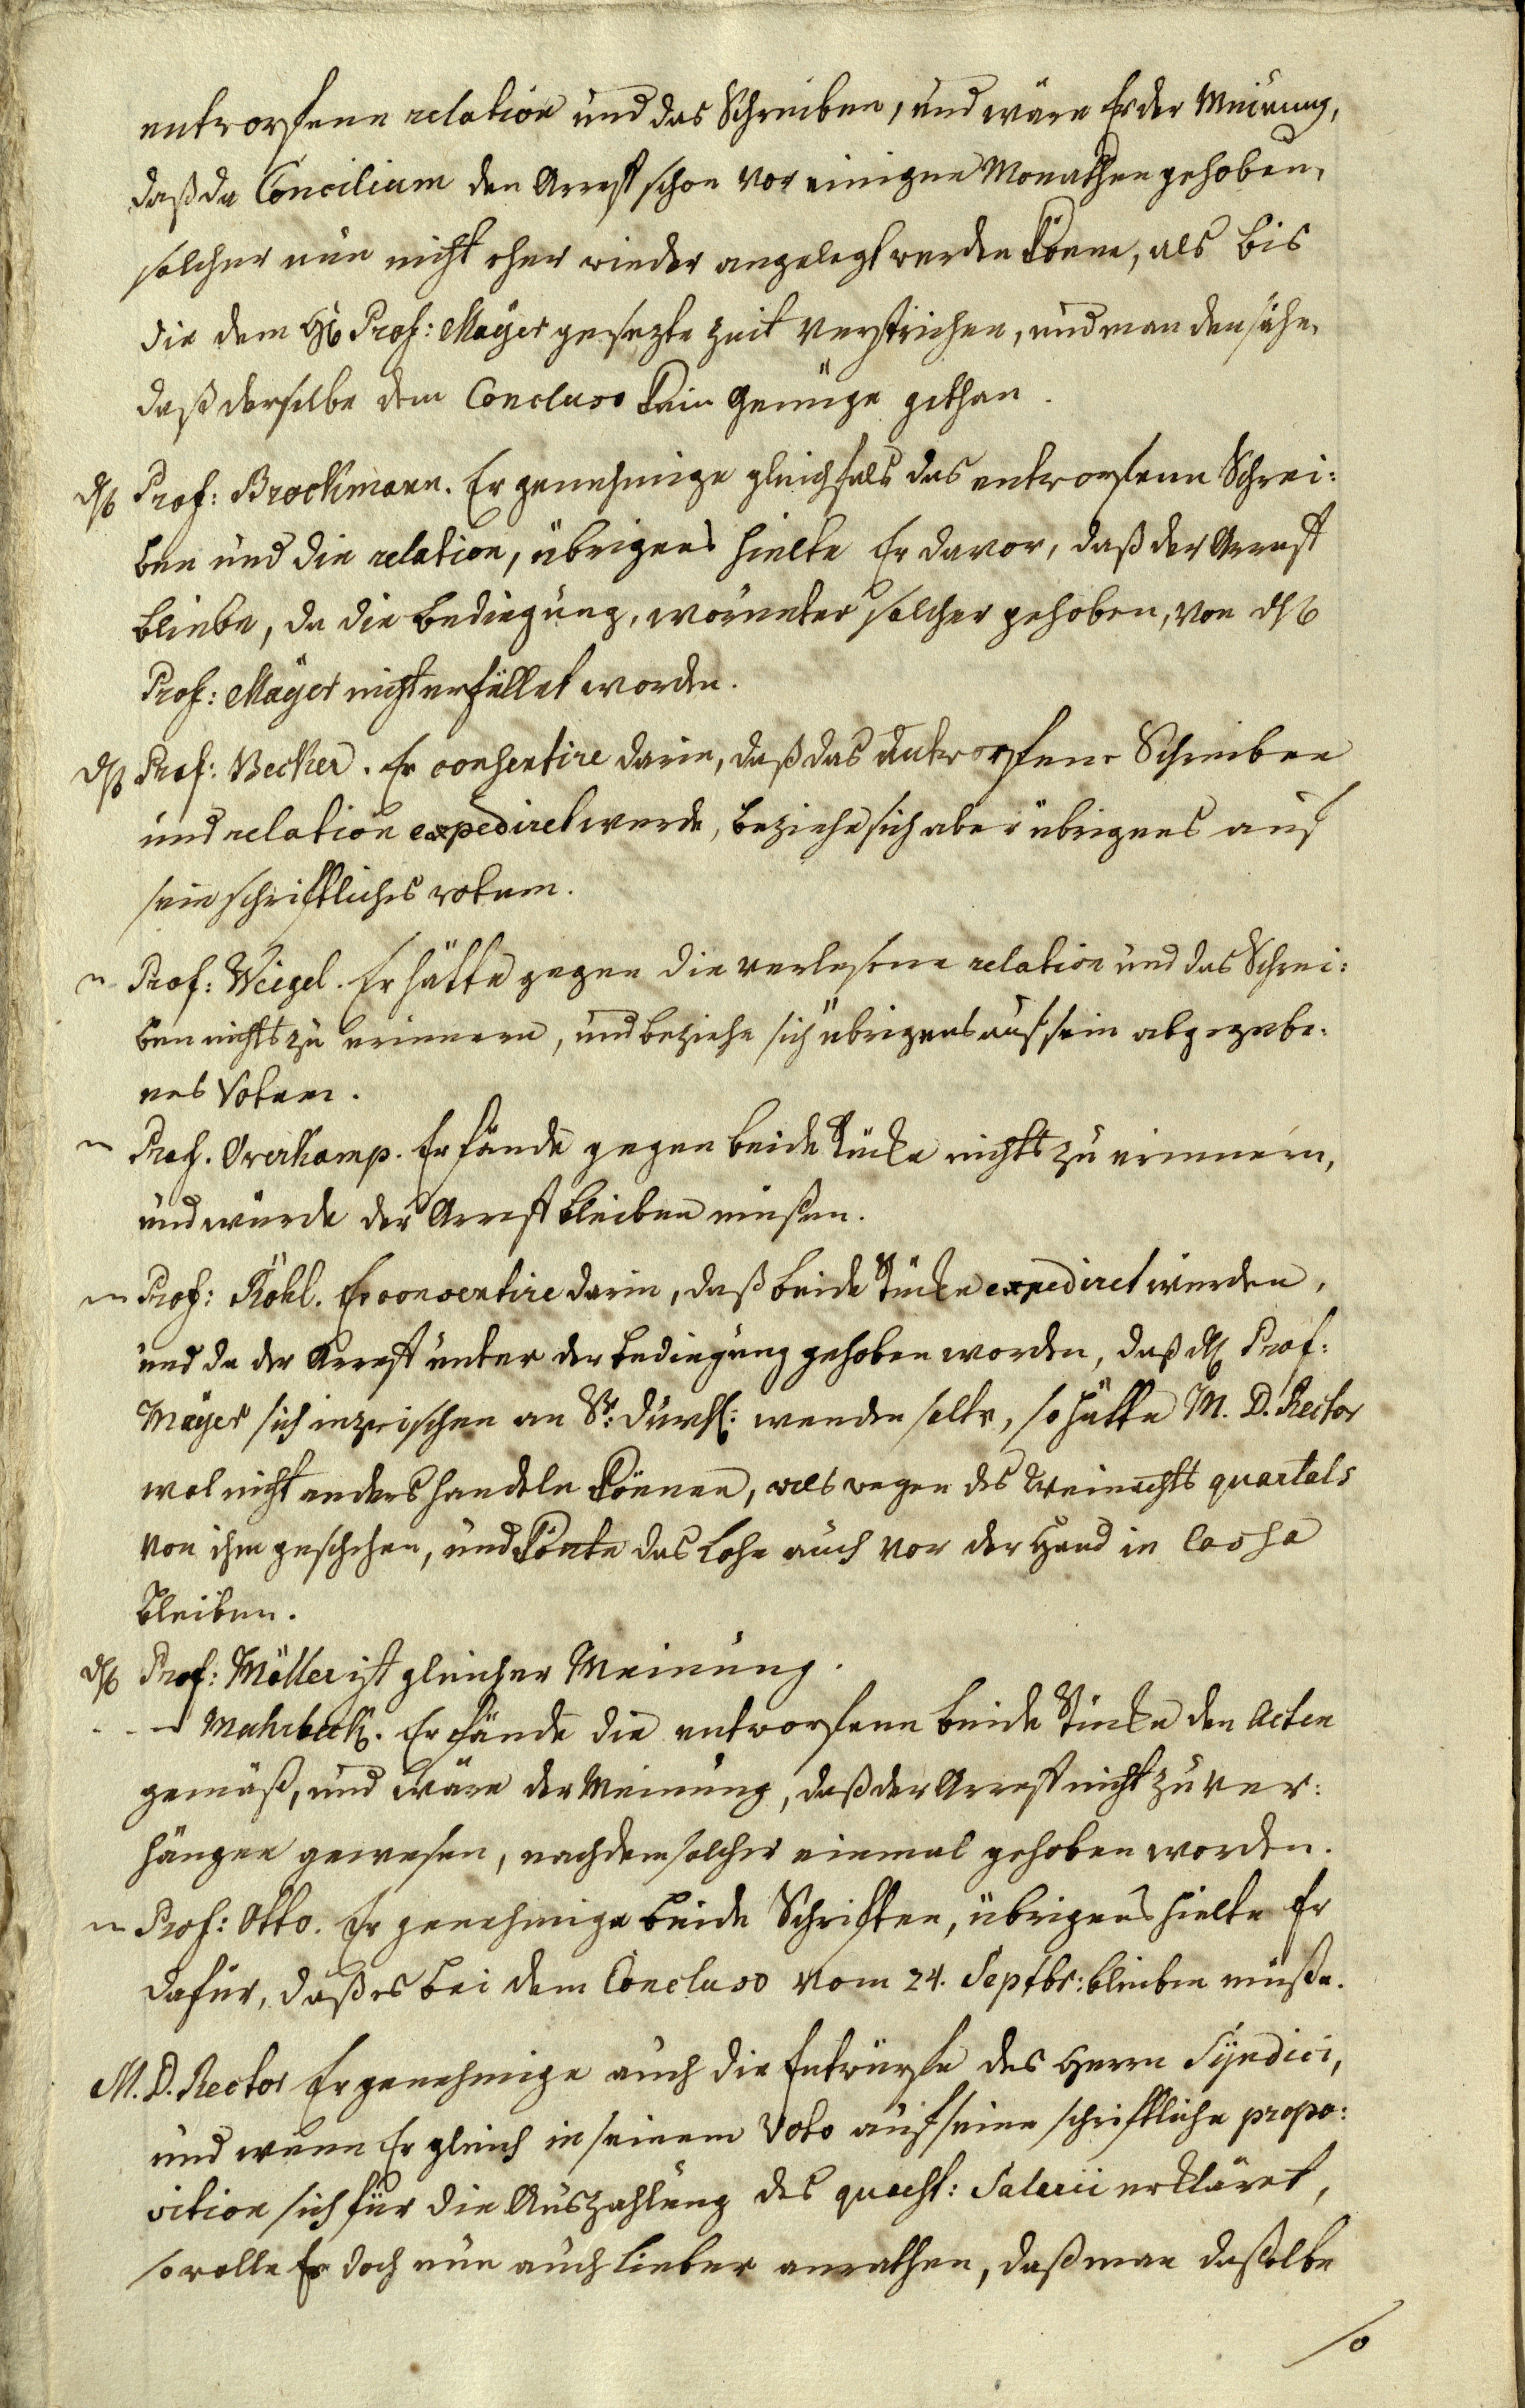entworfene relation und das Schreiben, und wäre Er der Meinung,
daß da Concilium den Arrest schon vor einigen Monathen gehoben,
solcher nun nicht eher wieder angelegt werden könne, als bis
die dem H. Prof. Maÿer gesezte Zeit verstrichen, und man den sähe,
daß derselbe dem Concluso kein Genüge gethan.
dh Prof. Brockmann. Er genehmige gleichfals das entworfene Schrei¬
ben und die relation, übrigens hielte Er davor, daß der Arrest
bliebe, da die Bedingung, worunter solcher gehoben, von dh
Prof. Maÿer nicht erfüllet worden.
dh Prof. Becker. Er consentire darin, daß das entworfene Schreiben
und relation expediret werde, beziehe sich aber übrigens auf
sein schriftliches votum.
Prof. Weigel. Er hätte gegen die verlesene relation und das Schrei¬
ben nichts zu erinnern, und beziehe sich übrigens auf sein abgegebe¬
nes Votum.
Prof. Overkamp. Er fände gegen beide Stücke nichts zu erinnern,
und würde der Arrest bleiben müßen.
Prof. Röhl. Er consentire darin, daß beide Stücke expediret würden,
und da der Arrest unter der Bedingung gehoben worden, daß dh Prof.
Maÿer sich inzwischen an Sr. Durchl. wenden solte, so hätte M. D. Rector
wol nicht anders handeln können, was wegen des Weinachts quartals
von ihm geschehen,und könte das Lohn auch vor der Hand in Cassa
bleiben.
dh Prof. Möller ist gleicher Meinung.
Muhrbeck. Er fände die entworfene beide Stücke den Acten
gemäß, und wäre der Meinung, daß der Arrest nicht zu ver¬
hängen gewesen, nachdem solcher einmal gehoben worden.
Prof. Otto. Er genehmige beide Schriften, übrigens hielte Er
dafür, daß es bei dem Concluso vom 24. Septbr. bleiben müße.
M. D. Rector. Er genehmige auch die Entwürfe des Herrn Sÿndici,
und wenn Er gleich in seinem Voto auf seine schriftliche propo¬
sition sich für die Auszahlung des quaest. Salarii erkläret,
so wolle Er doch nun auch lieber anrathen, daß man daßelbe